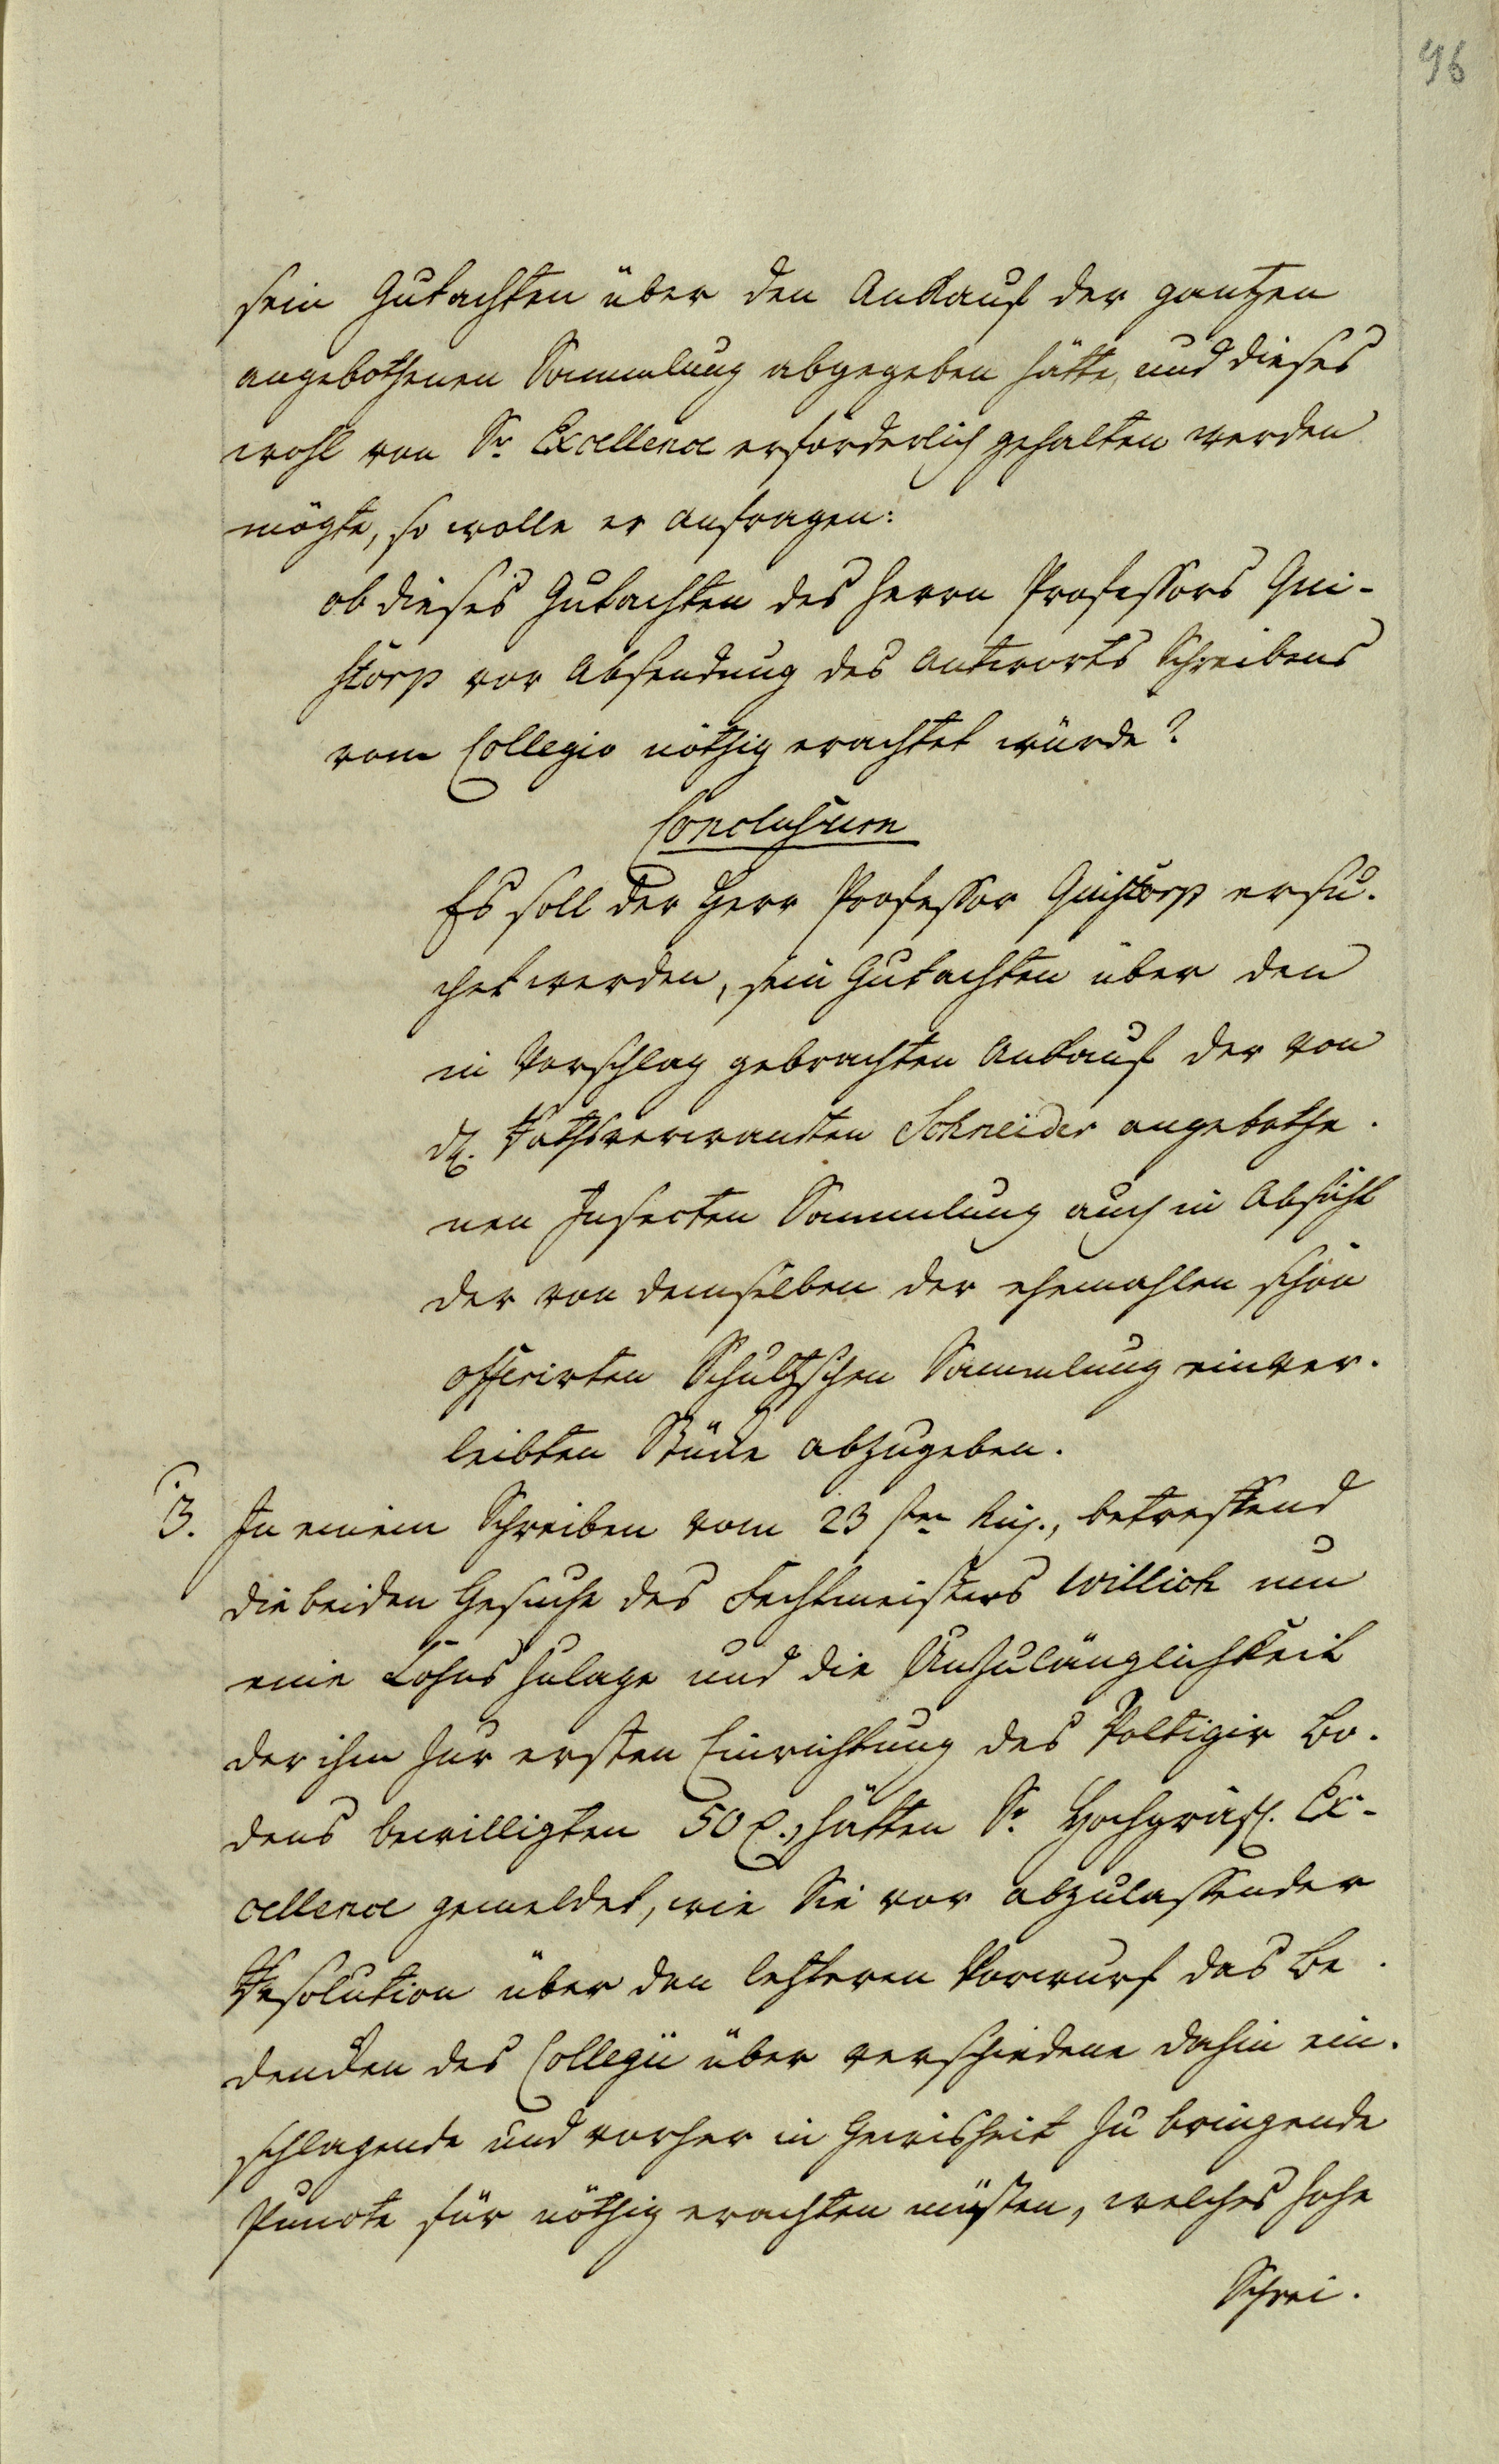sein Gutachten über den Ankauf der gantzen
angebothenen Sammlung abgegeben hätte und dieses
wohl von Sr Excellence erforderlich gehalten werden
mögte, so wolle er anfragen:
ob dieses Gutachten des Herrn Professors Qui¬
storp vor Absendung des Antworts Schreibens
vom Collegio nöthig erachtet würde?
Conclusum
Es soll der Herr Professor Quistorp ersu¬
chet werden, sein Gutachten über den
in Vorschlag gebrachten Ankauf der von
dh. Rathsverwandten Schneider angebothe¬
nen Insecten Sammlung auch in Absicht
der von demselben der ehemahlen schon
offerirten Schultzschen Sammlung einver¬
leibten Stücke abzugeben.
3. In einem Schreiben vom 23 sten huj., betreffend
die beiden Gesuche des Fechtmeisters Willich um
eine Lohns Zulage und die Anzulänglichkeit
der ihm zur ersten Einrichtung des Voltigir Bo¬
dens bewilligten 50 l., hätten Sr Hochgräfl. Ex¬
cellence gemeldet, wie Sie vor abzulassender
Resolution über den letzteren Vorwurf das Be¬
dencken des Collegii über verschiedene dahin ein¬
schlagende und vorher in Gewisheit zu bringenden
Puncte für nöthig erachten müßten, welches hohe
Schrei¬